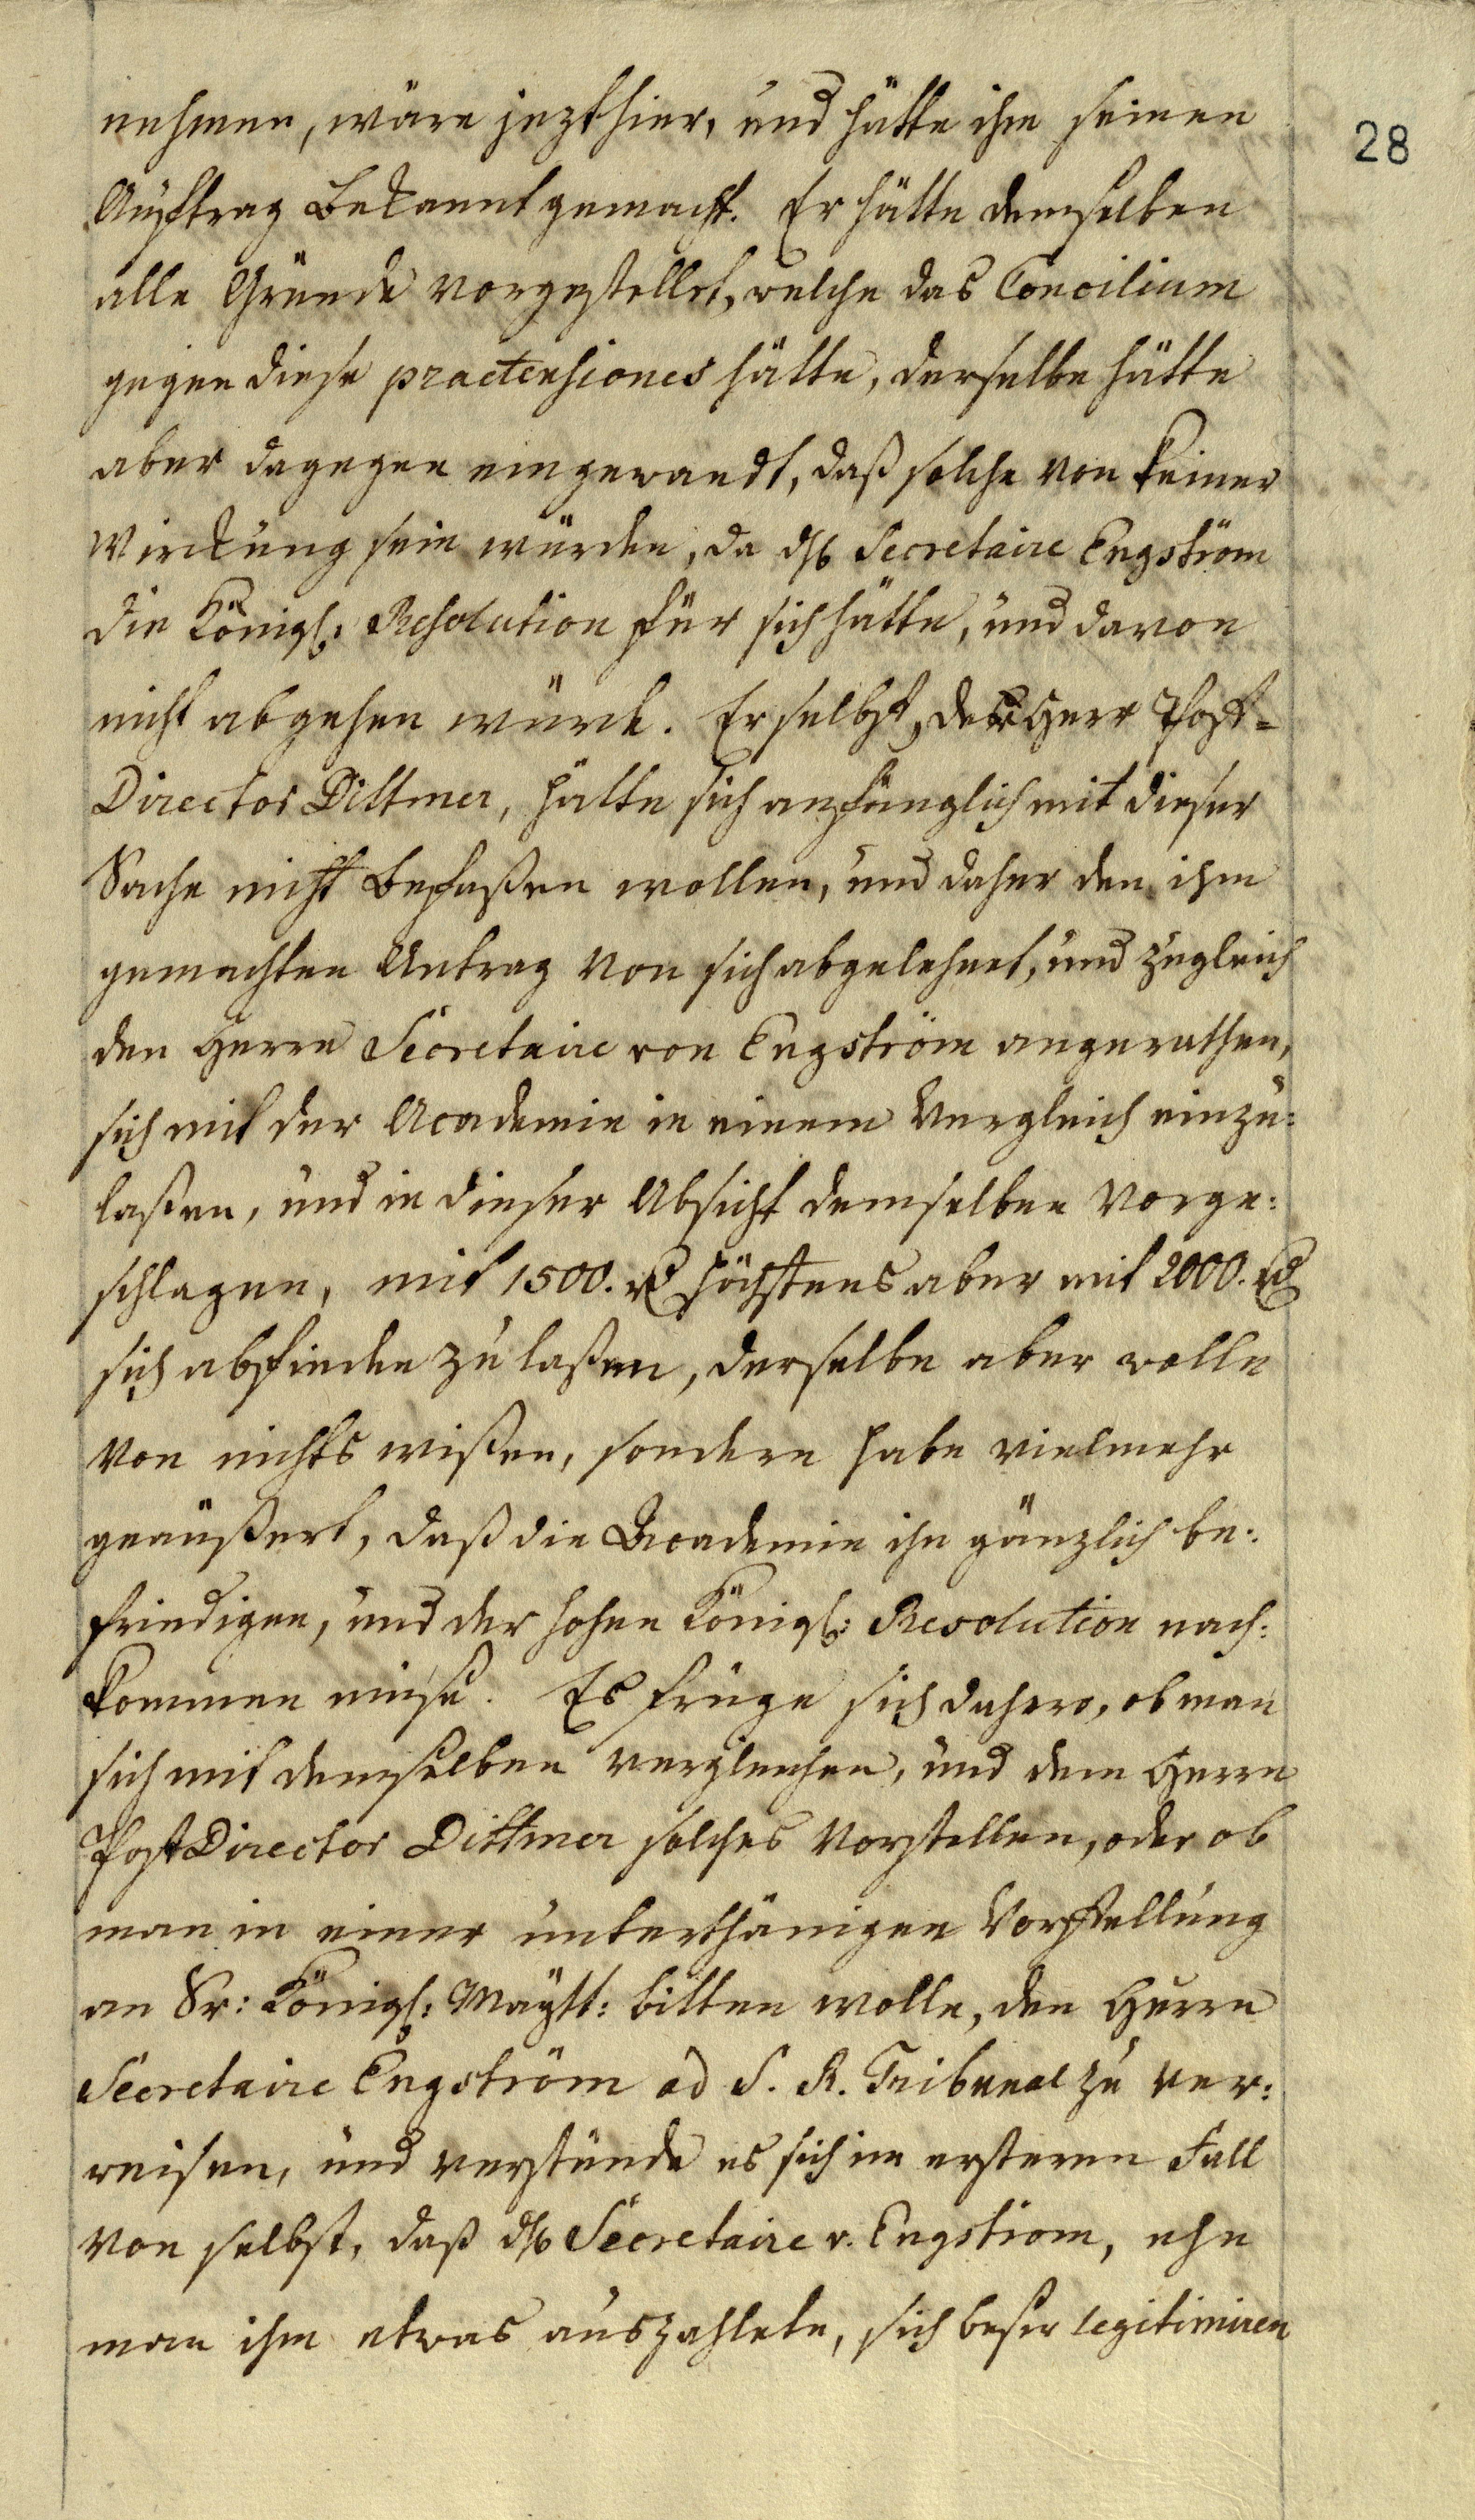nehmen, wäre jezt hier, und hätte ihm seinen
Auftrag bekannt gemacht. Er hätte demselben
alle Gründe vorgestellet, welche das Concilium
gegen diese praetensiones hätte, derselbe hätte
aber dagegen eingewandt, daß solche von keiner
Wirckung sein würden, da dh Secretaire Engström
die Königl. Resolution für sich hätte, und davon
nicht abgehen würde. Er selbst, der Herr Post¬
Director Dittmer, hätte sich anfänglich mit dieser
Sache nicht befaßen wollen, und daher den ihm
gemachten Antrag von sich abgelehnet, und zugleich
den Herrn Secretaire von Engström angerathen,
sich mit der Academie in einem Vergleich einzu¬
laßen, und in dieser Absicht demselben vorge¬
schlagen, mit 1500. rl. höchstens aber mit 2000. rl.
sich abfinden zu laßen, derselbe aber wolle
von nichts wißen, sondern habe vielmehr
geäußert, daß die Academie ihn gänzlich be¬
friedigen, und der hohen Königl. Resolution nach¬
kommen müße. Es früge sich dahero, ob man
sich mit demselben vergleichen, und dem Herrn
PostDirector Dittmer solches vorstellen, oder ob
man in einer unterthänigen Vorstellung
an Sr Königl. Maÿtt. bitten wolle, den Herrn
Secretaire Engström ad S. R. Tribunal zu ver¬
weisen, und verstünde es sich im ersteren Fall
von selbst, daß dh Secretaire Engström, ehe
man ihm etwas auszahlete, sich beßer legitimiren